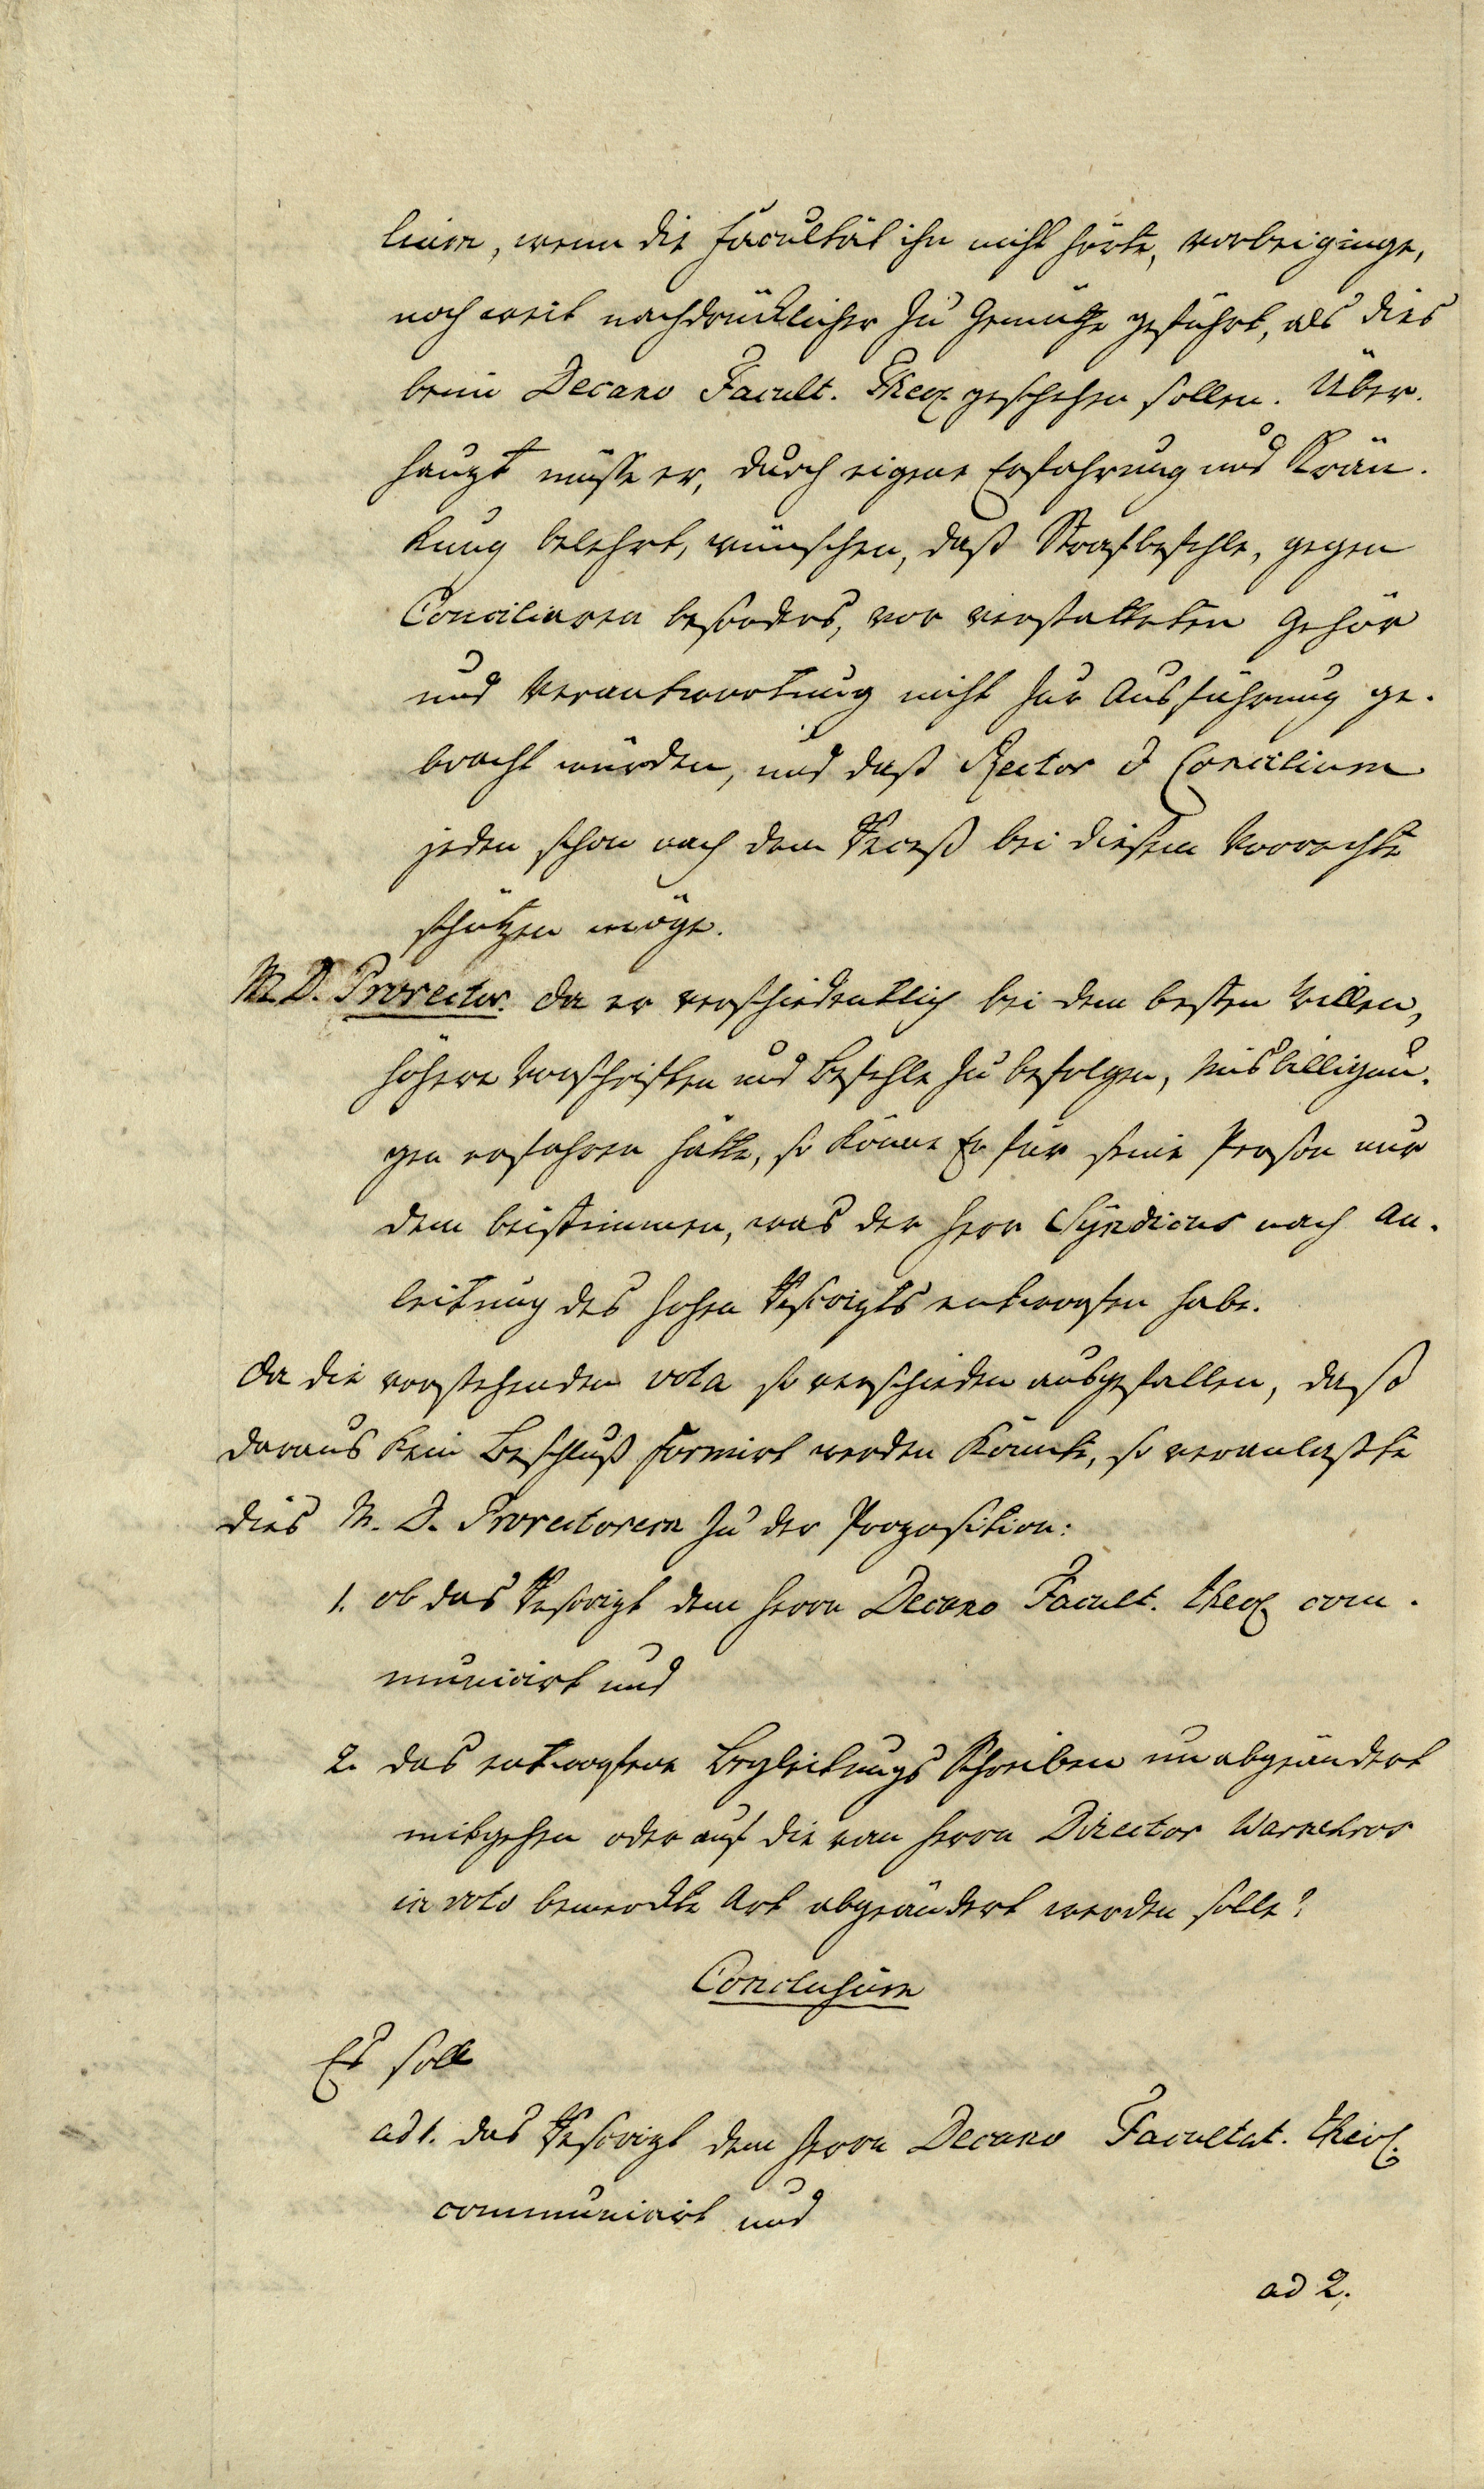lium, wenn die Facultät ihn nicht hörte, vorbeiginge,
noch weit nachdrücklicher zu Gemüthe geführt, als dies
beim Decano Facult. Theol. geschehen sollen. Über¬
haupt müsse er, durch eigene Erfahrung und Krän¬
kung belehrt, wünschen, daß Strafbefehle, gegen
Conciliaren besonders, vor verstattetem Gehör
und Verantwortung nicht zur Ausführung ge¬
bracht würden, und daß Rector et Concilium
jeden schon nach dem Receß bei diesem Vorrechte
schützen möge.
M. D. Prorector Da er verschiedentlich bei dem besten Willen,
höhere Vorschriften und Befehle zu befolgen, Misbilligun¬
gen erfahren hätte, so könne Er für seine Person nur
dem beistimmen, was der Herr Sÿndicus nach An¬
leitung des hohen Rescripts entworfen habe.
Da die vorstehenden vota so verschieden ausgefallen, daß
daraus kein Beschluß formirt werden könnte, so veranlaßte
dies M. D. Prorectorem zu der Proposition:
1. ob das Rescript dem Herrn Decano Facult. Theol. com¬
municirt und
2. das entworfene Begleitungs Schreiben unabgeändert
mitgehen oder auf die vom Herrn Director Warnekros
in voto bemerckte Art abgeändert werden solle?
Conclusum
Es soll
ad 1. das Rescript dem Herrn Decano Facultat. theol.
communicirt und
ad 2.